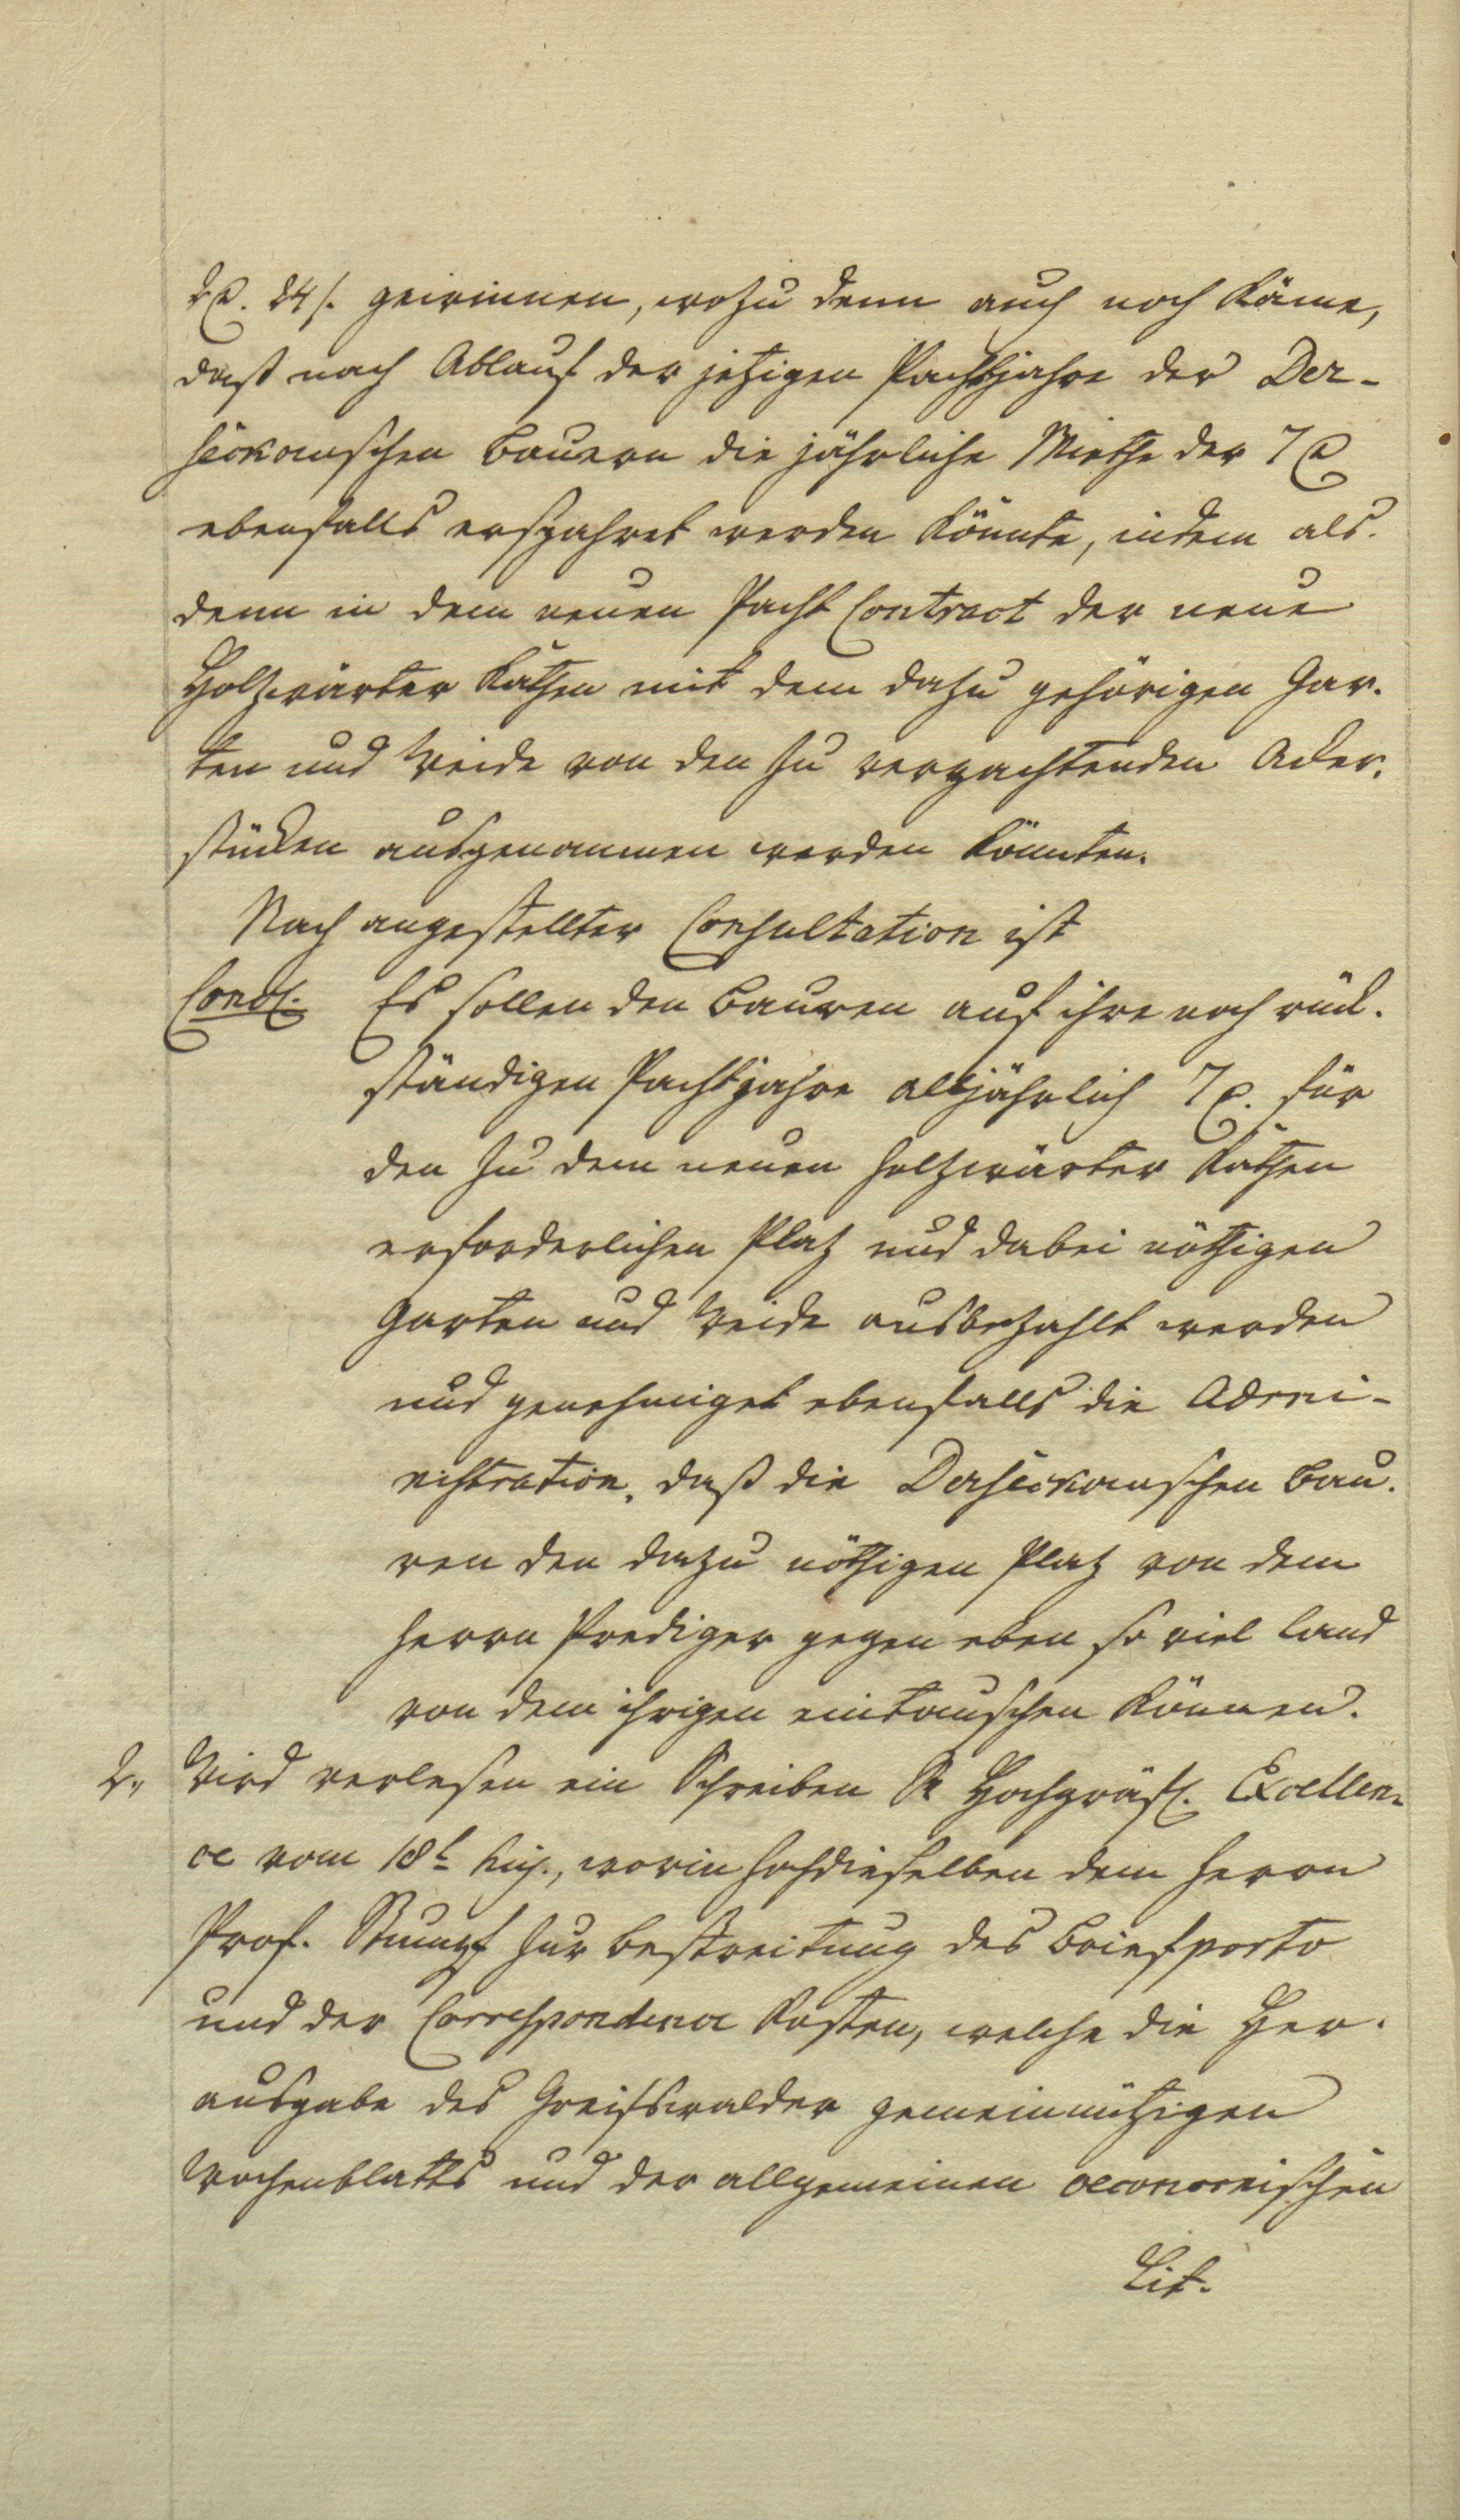2 l. 24 s. gewinnen, wozu denn auch noch käme,
daß nach Ablauf der jetzigen Pachtjahre der Der¬
seckowschen Bauern die jährliche Miethe der 7 l.
ebenfalls erspahret werden könnte, indem als¬
denn in dem neuen Pacht Contract der neue
Holzwärter Kathen mit dem dazu gehörigen Gar¬
ten und Weide von den zu verpachtenden Acker¬
stücken aufgenommen worden könnten.
Nach angestellter Consultation ist
Concl., Es sollen den Bauren auf ihre noch rück¬
ständigen Pachtjahre alljährlich 7 l. für
den zu dem neuen Holzwärter Kathen
erforderlichen Platz und dabei nöthigen
Garten und Weide ausbezahlt werden
und genehmiget ebenfalls die Admi¬
nistration, daß die Derseckowschen Bau¬
ren den dazu nöthigen Platz von dem
Herrn Prediger gegen eben so viel Land
von dem ihrigen eintauschen können.
2., Wird verlesen ein Schreiben Sr Hochgräfl. Excellen¬
ce vom 18 t huj., worin Hochdieselben dem Herrn
Prof. Stumpf zur Bestreitung des Briefporto
und der Correspondencekosten, welche die Her¬
ausgabe des Greifswalder gemeinnützigen
Wochenblatts und der allgemeinen oeconomischen
Lit¬